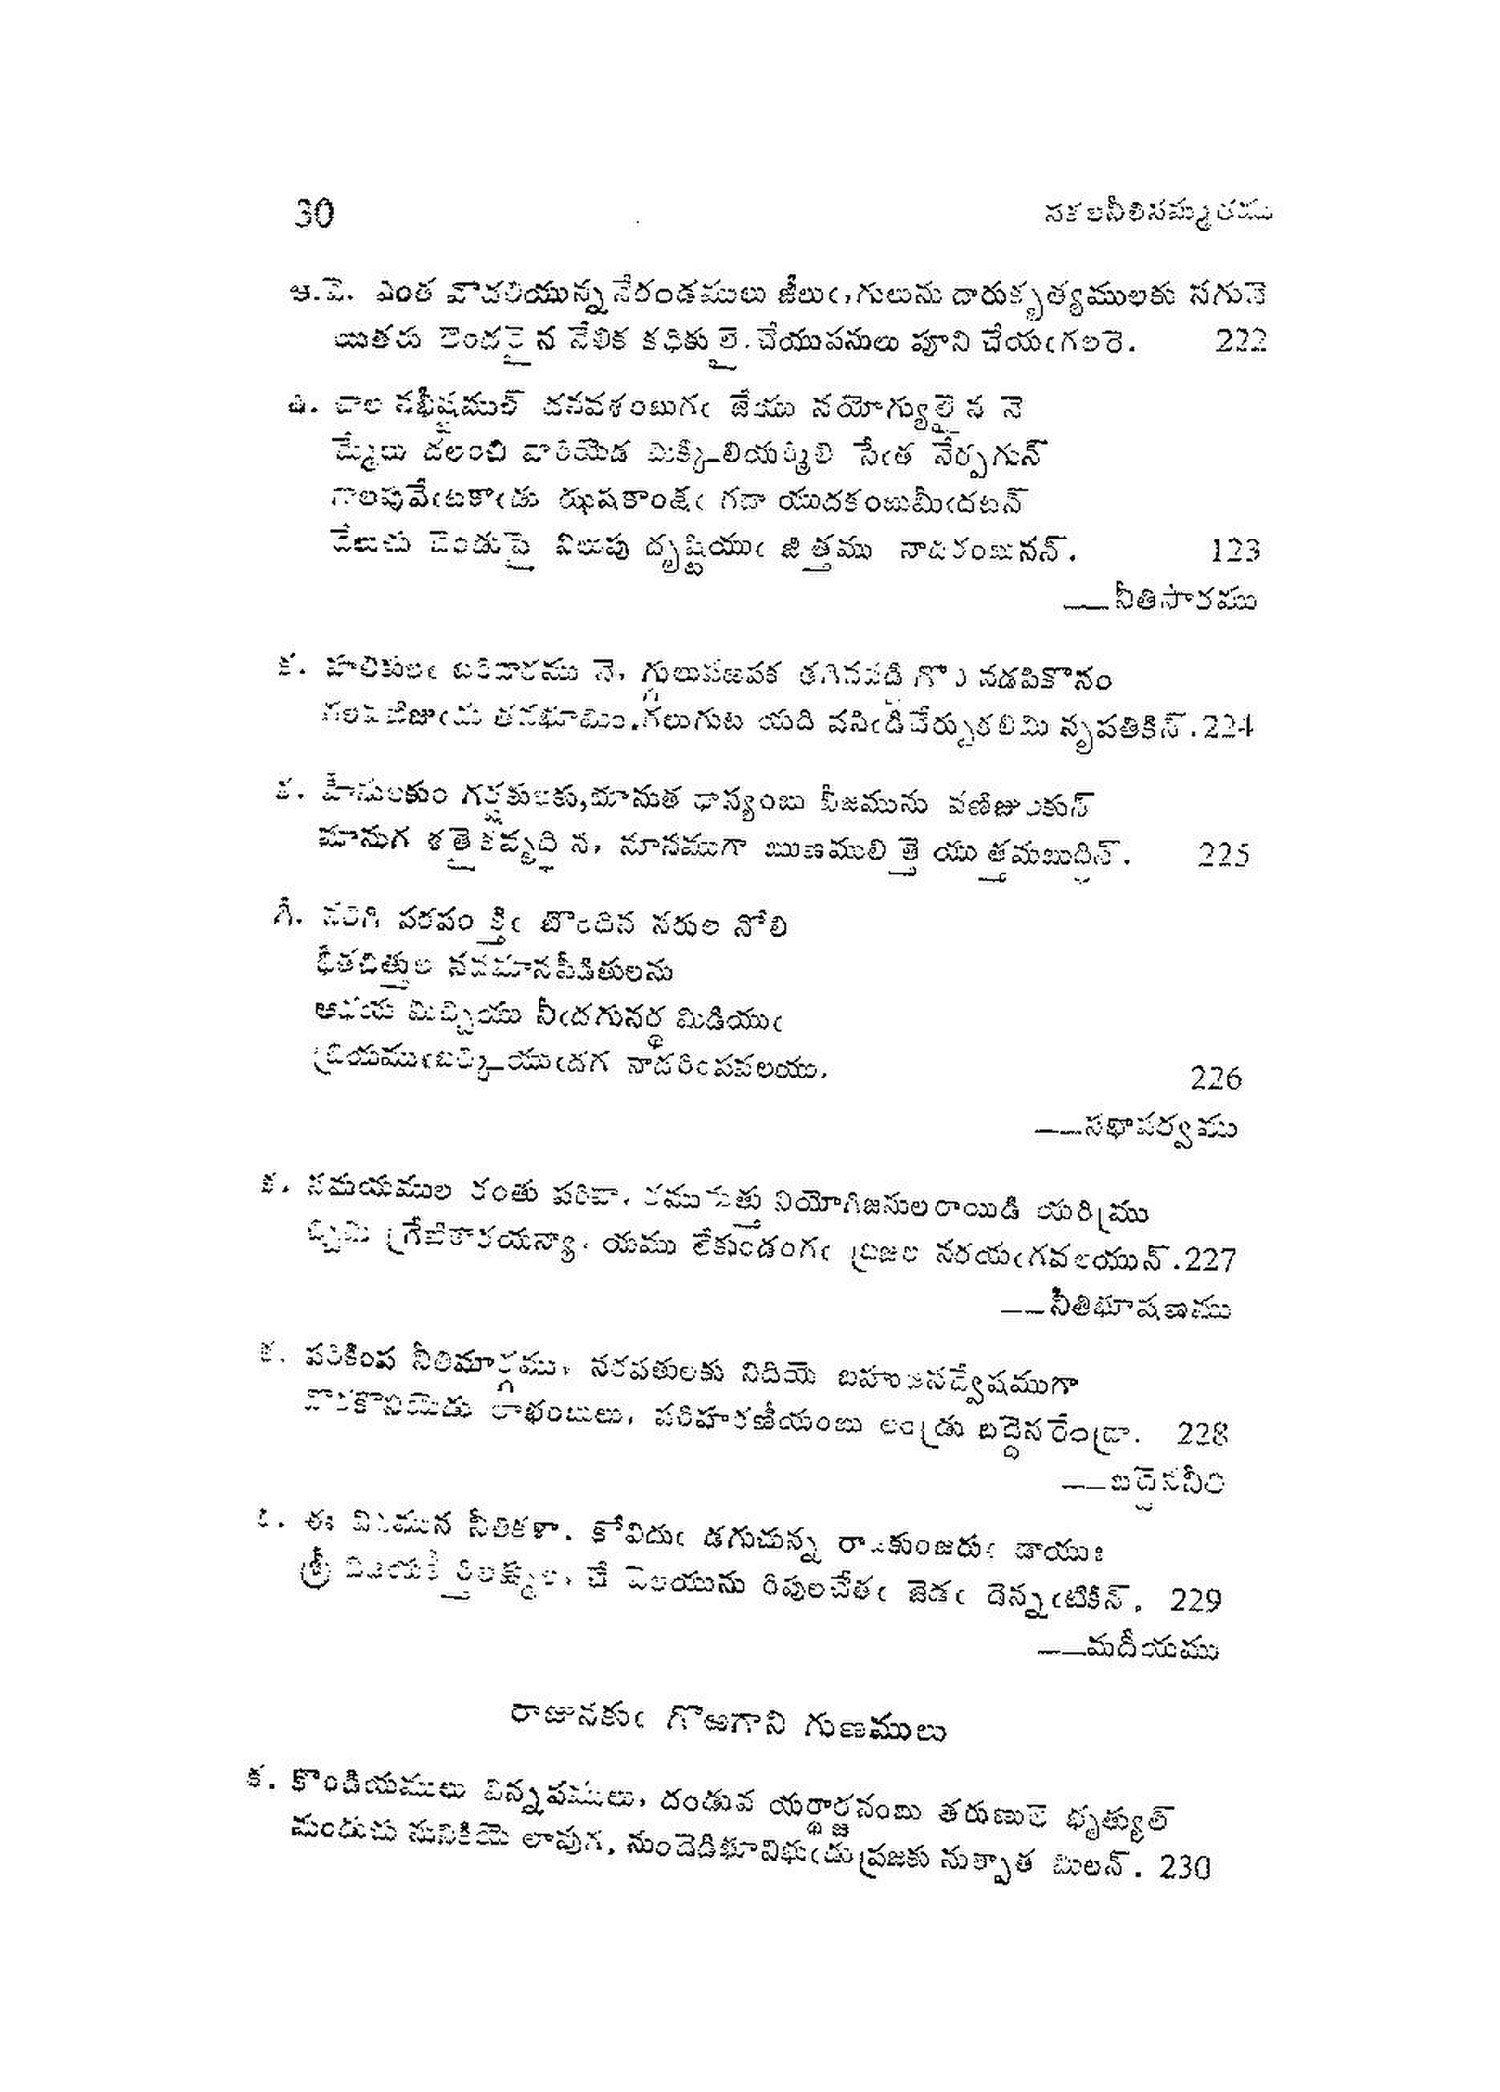ఆ. ఎంత వొదిలియున్న నేరండములు జీలుఁ
గులును దారుకృత్యములకు నగునె
యితరు లెందరైన నేలిక కధికులై
చేయుపనులు పూని చేయఁగలనె. 222

ఉ. చాల నభీష్టముల్ దనవశంబుగఁ జేయు నయోగ్యులైన నె
మ్మేలు దలంచి వారియెడ మిక్కిలియర్మిలి సేఁత నేర్పుగన్
గాలపువేఁటకాఁడు ఝషకాంక్షఁ గదా యుదకంబుమీఁదటన్
దేలుచు బెండుపై నిలుపు దృష్టియుఁ జిత్తము నాదరంబునన్. 223

క. హలికులఁ బరివారము నె
గ్గులుపఱపక తగినవడిగొని నడిపికొనం
గల వణిజుఁడు తన భూమిం
గలుగుట యది పసిఁడిచేర్పుకలిమి నృపతికిన్. 224

క. హీనులకుం గర్షకులకు
భూసుత ధాన్యంబు బీజమును వణిజులకున్
మానుగ శతైకవృద్ధి న
నూనముగా ఋణములిత్తె యుత్తమబుద్ధిన్. 225

గీ. నలిగి పరపంక్తిఁ బొందిన నరుల నోలి
భీతచిత్తుల నవమానపీడితులను
అభయ మిచ్చియు నీఁదగునర్థ మిడియుఁ
బ్రియముఁ బల్కియుఁ దగ నాదరింపవలయు. 226

క. సమయముల రంతు పరివా
రము మత్తు నియోగిజనుల రాయిడి యరిమ్రు
చ్చిమి గ్రేణికారయన్యా
యము లేకుండంగఁ బ్రజల నరయఁగ వలయున్. 227

క. పరికింప నీతిమార్గము
నరపతులకు నిదియె బహుజనద్వేషముగా
దొరకొనియెడు లాభంబులు
పరహరణీయంబు లండ్రు బద్దెనరేంద్రా. 228

క. ఈ విధమున నీతికళా
కోవిదుఁ డగుచున్న రాజకుంజరుఁ డాయుః
శ్రీ విజయకీర్తిలక్ష్ముల
చే వెలయును రిపులచేతఁ జెడఁ డెన్నఁటికిన్. 229

క. కొండియములు విన్నపములు
దండువ యర్థార్జనంబు తరుణులె భృత్యుల్
మండుచు నునికియె లావుగ
నుండెడి భూవిభుఁడు ప్రజకు నుత్పాత మిలన్. 230